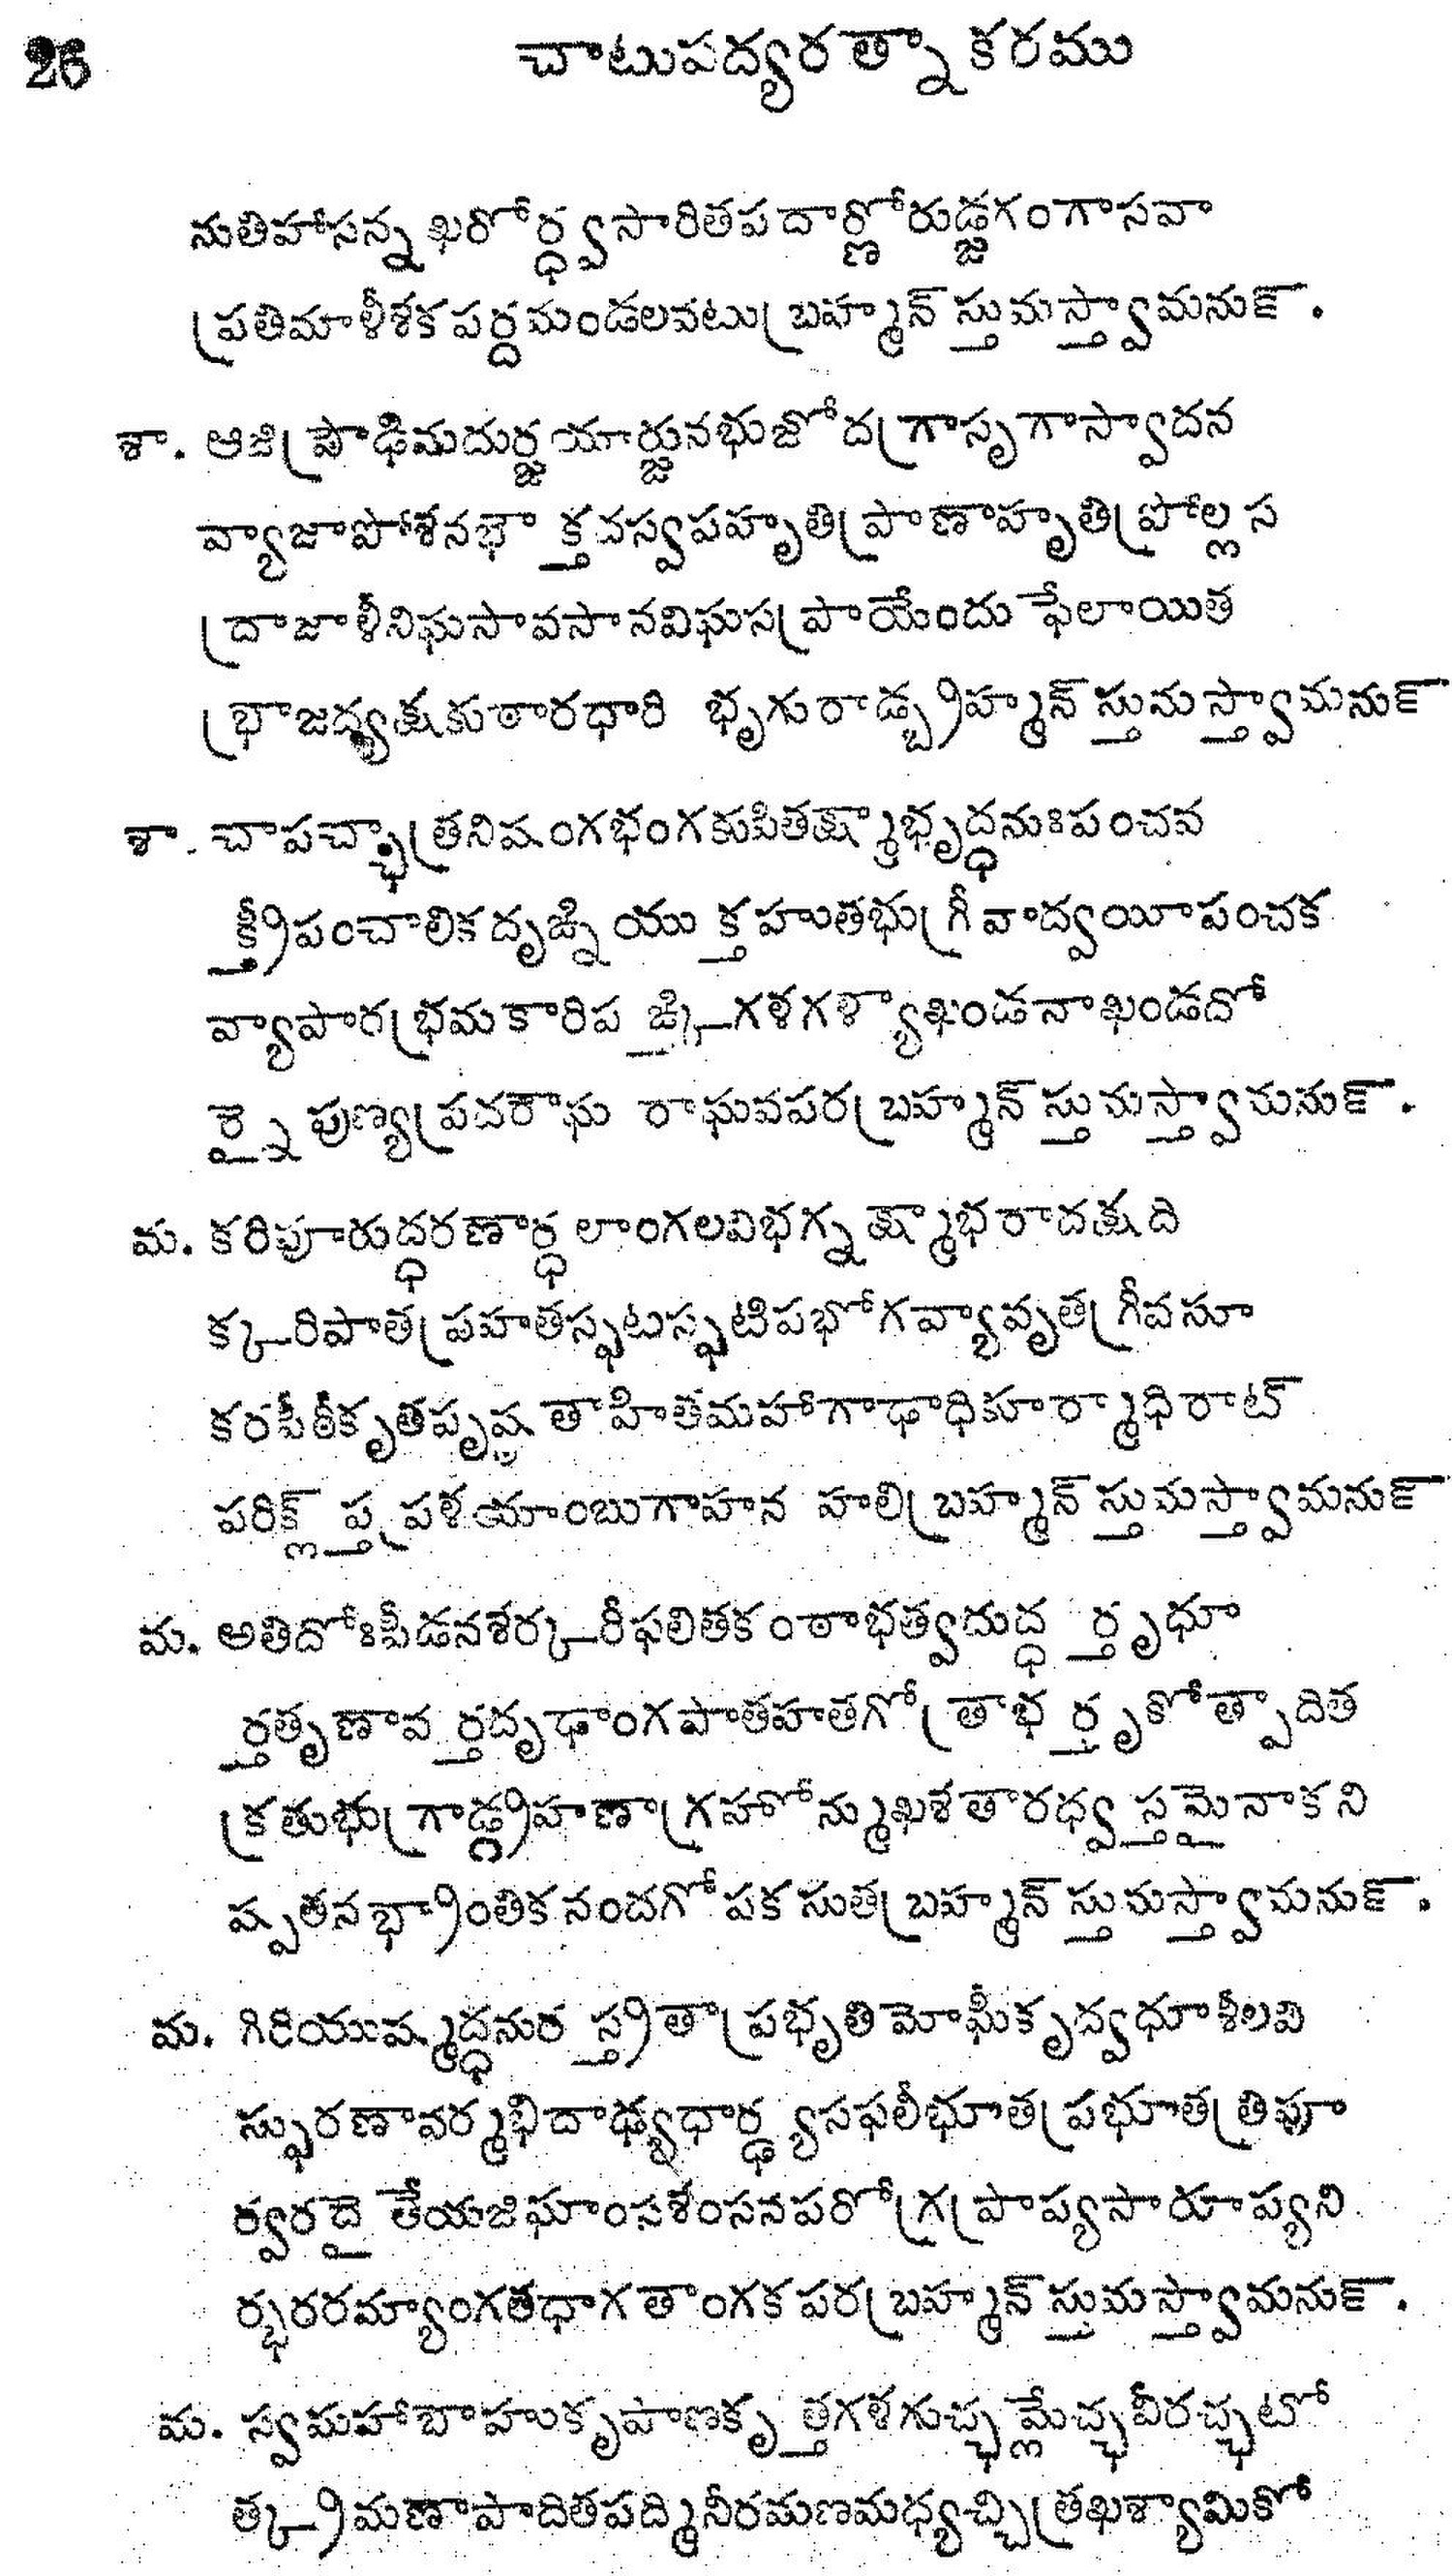నుతిహాసన్నఖరోర్ధ్వసారితపదార్ణోరుడ్జగంగాసవా
 ప్రతిమాళీశకపర్దమండలవటుబ్రహ్మన్ స్తుమస్త్వామనున్.

శా. ఆజిప్రౌఢిమదుర్జయార్జునభుజోదగ్రాసృగాస్వాదన
 వ్యాజాపోశనభౌక్తదస్వపహృతిప్రాణాహృతిప్రోల్లస
 ద్రాజాలీనిగసావసానవిఘసప్రాయేందుఫేలాయిత
 భ్రాజద్యక్షకుఠారధారి భృగురాడ్బ్రహ్మన్ స్తుమస్త్వామనున్.

శా. చాపచ్ఛాత్రనిషంగభంగకుపితక్ష్మాభృద్ధనుఃపంచవ
 క్త్రీపంచాలికదృఙ్నియుక్తహుతభుగ్రీవాద్వయీపంచక
 వ్యాపారభ్రమకారిపఙ్క్తిగళగళ్యాఖండనాఖండదో
 ర్నైపుణ్యప్రదరౌఘ రాఘవపరబ్రహ్మన్ స్తుమస్త్వామనున్.

మ. కరిపూరుద్ధరణార్ధలాంగలవిభగ్మక్ష్మాభరాదక్షది
 క్కరిపాతప్రహతస్ఫటస్ఫటిపభోగవ్యావృతగ్రీవసూ
 కరపీఠీకృతష్ఠతాహితమహాగాఢాధికూరమాధిరాట్
 పరికౢప్తప్రళయాంబుగాహన హలిబ్రహ్మన్ స్తుమస్త్వామనున్.

మ. అతిదోఃపీడనశర్కరీఫలితకంఠాభత్వదుద్ధర్తృధూ
 ర్తతృణావర్తదృఢాంగపాతహతగోత్రాభర్తృకోత్పాదిత
 క్రతుభుగ్రాడ్గ్రహణాగ్రహోన్ముఖశతారధ్వస్తమైనాకని
 ష్పతనభ్రాంతికనందగోపకసుతబ్రహ్మన్ స్తుమస్త్వామనున్.

మ. గిరియుష్మద్ధనురస్త్రతాప్రభృతిమోఘీకృద్వధూశీలవి
 స్ఫురణావర్మభిదాఢ్యధార్ఢ్యసఫలీభూతప్రభూతత్రిపూ
 ర్వరదైతేయజిఘాంసశంసనపరోగ్రప్రాప్యసారూప్యని
 ర్భరరమ్యాంగతధాగతాంగకపరబ్రహ్మన్ స్తుమస్త్వామనున్.

మ. స్వమహాబాహుకృపాణకృత్తగళగుచ్ఛమ్లేచ్ఛవీరచ్ఛటో
 త్క్రమణాపాదితపద్మినీరమణమధ్యచ్చిత్రఖశ్యామికో